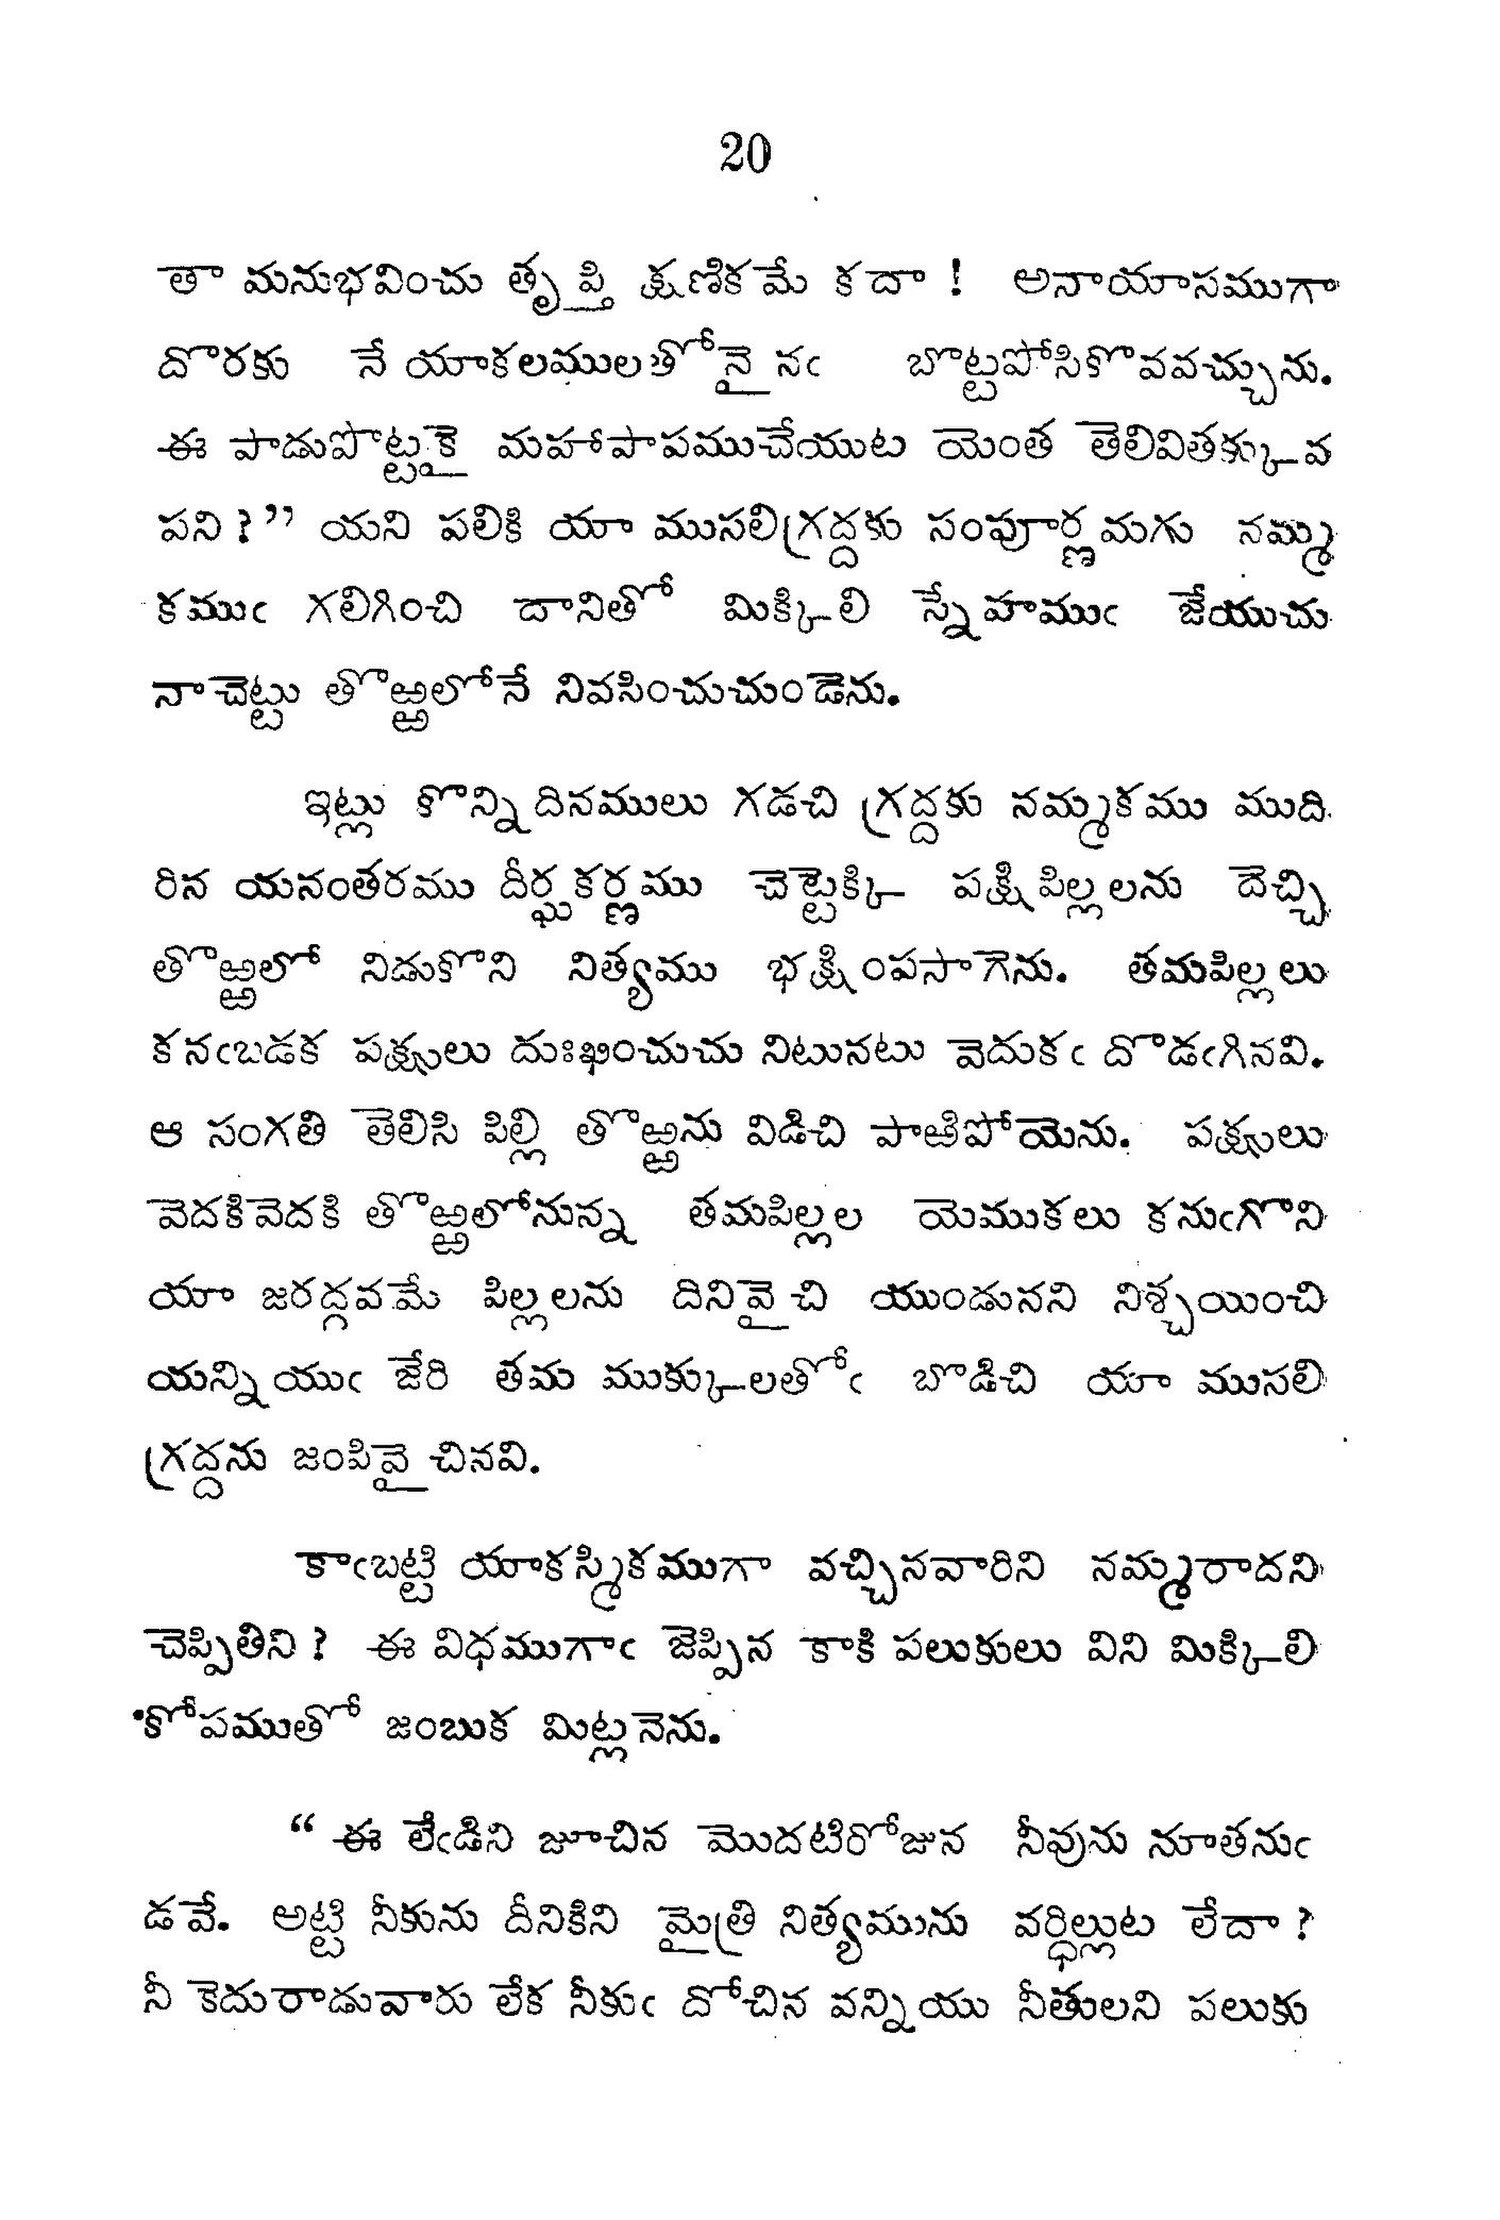తా మనుభవించు తృప్తి క్షణికమే కదా! అనాయాసముగా దొరకు నే యాకలములతోనైన బొట్టపోసికొనవచ్చును. ఈ పాడుపొట్టకై మహాపాపముచేయుట యెంత తెలివితక్కువ పని?" యని పలికి యా ముసలిగ్రద్దకు సంపూర్ణమగు నమ్మకము గలిగించి దానితో మిక్కిలి స్నేహము జేయుచు నాచెట్టు తొఱ్ఱలోనే నివసించుచుండెను.

ఇట్లు కొన్నిదినములు గడచి గ్రద్దకు నమ్మకము ముదిరిన యనంతరము దీర్ఘకర్ణము చెట్టెక్కి పక్షిపిల్లలను దెచ్చి తొఱ్ఱలో నిడుకొని నిత్యము భక్షింపసాగెను. తమపిల్లలు కనబడక పక్షులు దు:ఖించుచు నిటునటు వెదుక దొడగినవి. ఆ సంగతి తెలిసి పిల్లి తొఱ్ఱను విడిచి పాఱిపోయెను. పక్షులు వెదకివెదకి తొఱ్ఱలోనున్న తమపిల్లల యెముకలు కనుగొని యా జరద్గవమే పిల్లలను దినివైచి యుండునని నిశ్చయించి యన్నియు జేరి తమ ముక్కులతో బొడిచి యా ముసలి గ్రద్దను జంపివైచినవి.

కాబట్టి యాకస్మికముగా వచ్చినవారిని నమ్మరాదని చెప్పితిని? ఈ విధముగా జెప్పిన కాకి పలుకులు విని మిక్కిలి కోపముతో జంబుక మిట్లనెను.

"ఈ లేడిని జూచిన మొదటిరోజున నీవును నూతనుడవే. అట్టి నీకును దీనికిని మైత్రి నిత్యమును వర్ధిల్లుట లేదా? నీ కెదురాడువారు లేక నీకు దోచిన వన్నియు నీతులని పలుకు